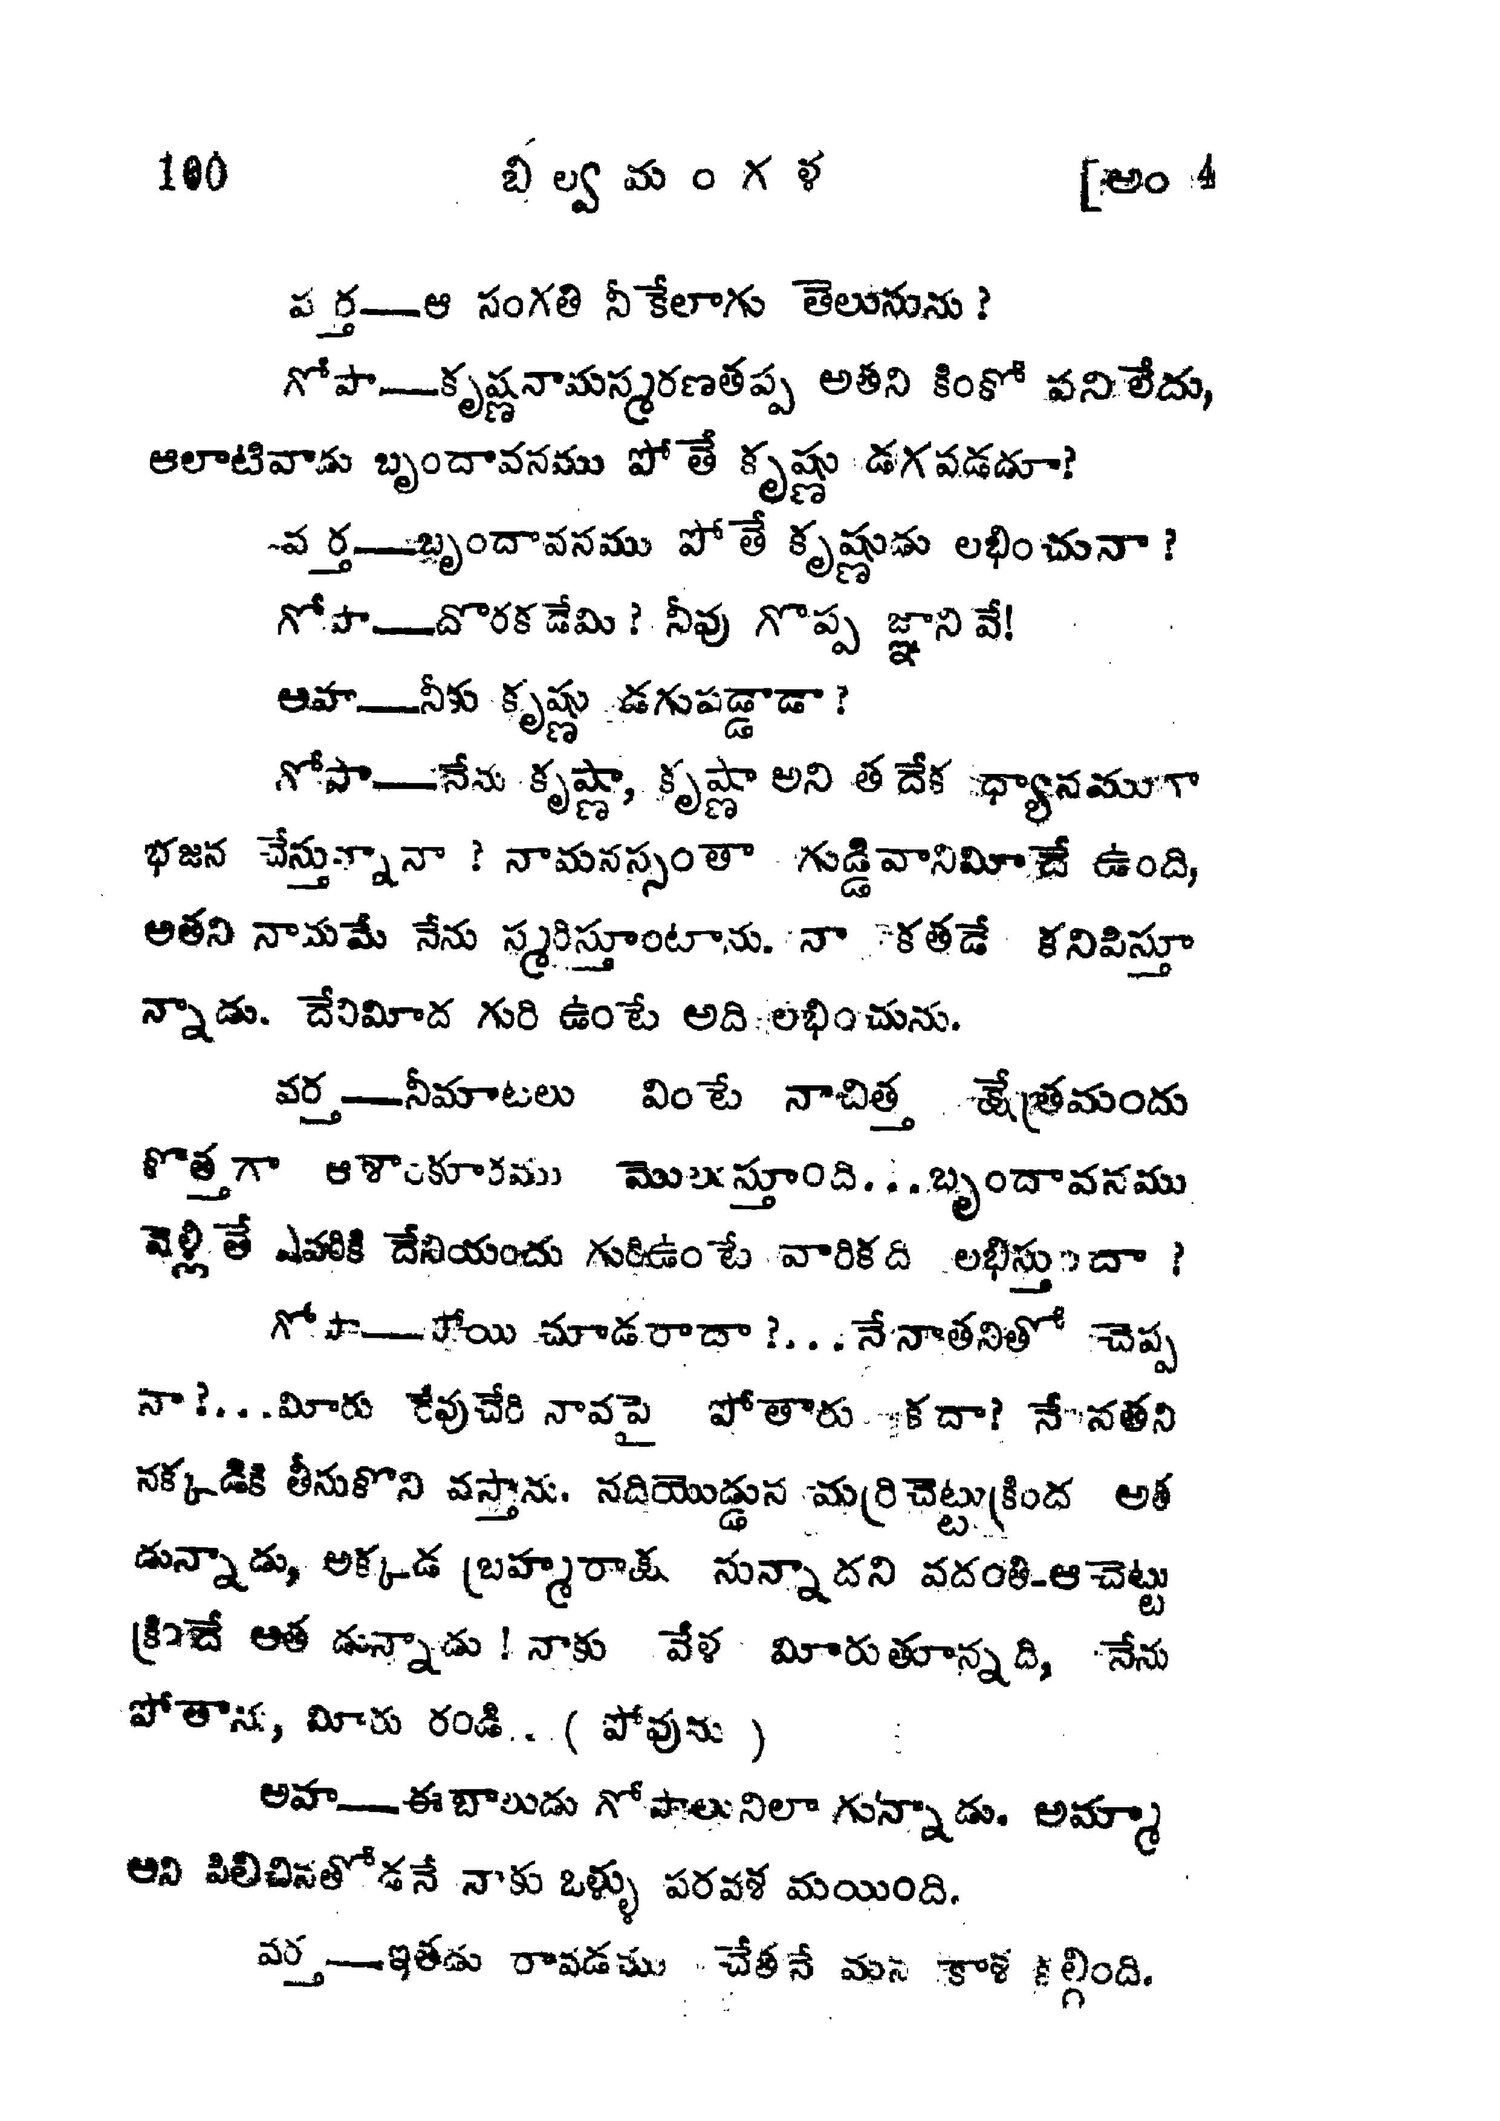వర్త - ఆ సంగతి నీ కేలాగు తెలుసును?

గోపా - కృష్ణనామస్మరణతప్ప అతని కింకో పనిలేదు, ఆలాటివాడు బృందావనము పోతే కృష్ణుడు డగపడడూ?

వర్త - బృందావనము పోతే కృష్ణుడు లభించునా?

గోపా - దొరకడేమి ? నీవు గొప్ప జ్ఞానివే!

అహ - నీకు కృష్ణు డగుపడ్డాడా?

గోపా - నేను కృష్ణా కృష్ణా అని తదేక ధ్యానముగా భజన చేస్తున్నానా ? నామనస్సంతా గుడ్డివానిమీదే ఉంది, అతని నామమే నేను స్మరిస్తూంటాను. నా కతడే కనిపిస్తూన్నాడు. దేనిమీద గురి ఉంటే అది లభించును.

వర్త - నీమాటలు వింటే నాచిత్త క్షేత్రమందు కొత్తగా ఆశాంకూరము మొలుస్తూంది...బృందావనము వెళ్లితే ఎవరికి దేనియందు గురిఉంటే వారికది లభిస్తుందా?

గోపా - పోయి చూడరాదా?...నేనాతనితో చెప్పనా?..మీరు రేపుచేరి నావపై పోతారు కదా? నే నతని నక్కడికి తీసుకొని వస్తాను. నదియొడ్డున మర్రిచెట్టుక్రింద అతడున్నాడు, అక్కడ బ్రహ్మరాక్షసి నున్నాదని వదంతి-ఆ చెట్టు క్రిందే అత డున్నాడు! నాకు వేళ మీరుతూన్నది, నేను పోతాను, మీరు రండి..(పోవును)

అహ - ఈబాలుడు గోపాలునిలా గున్నాడు. అమ్మా అని పిలిచినతోడనే నాకు ఒళ్ళు పరవశ మయింది.

వర్త - ఇతడు రావడము చేతనే మన కాశ కల్గింది.